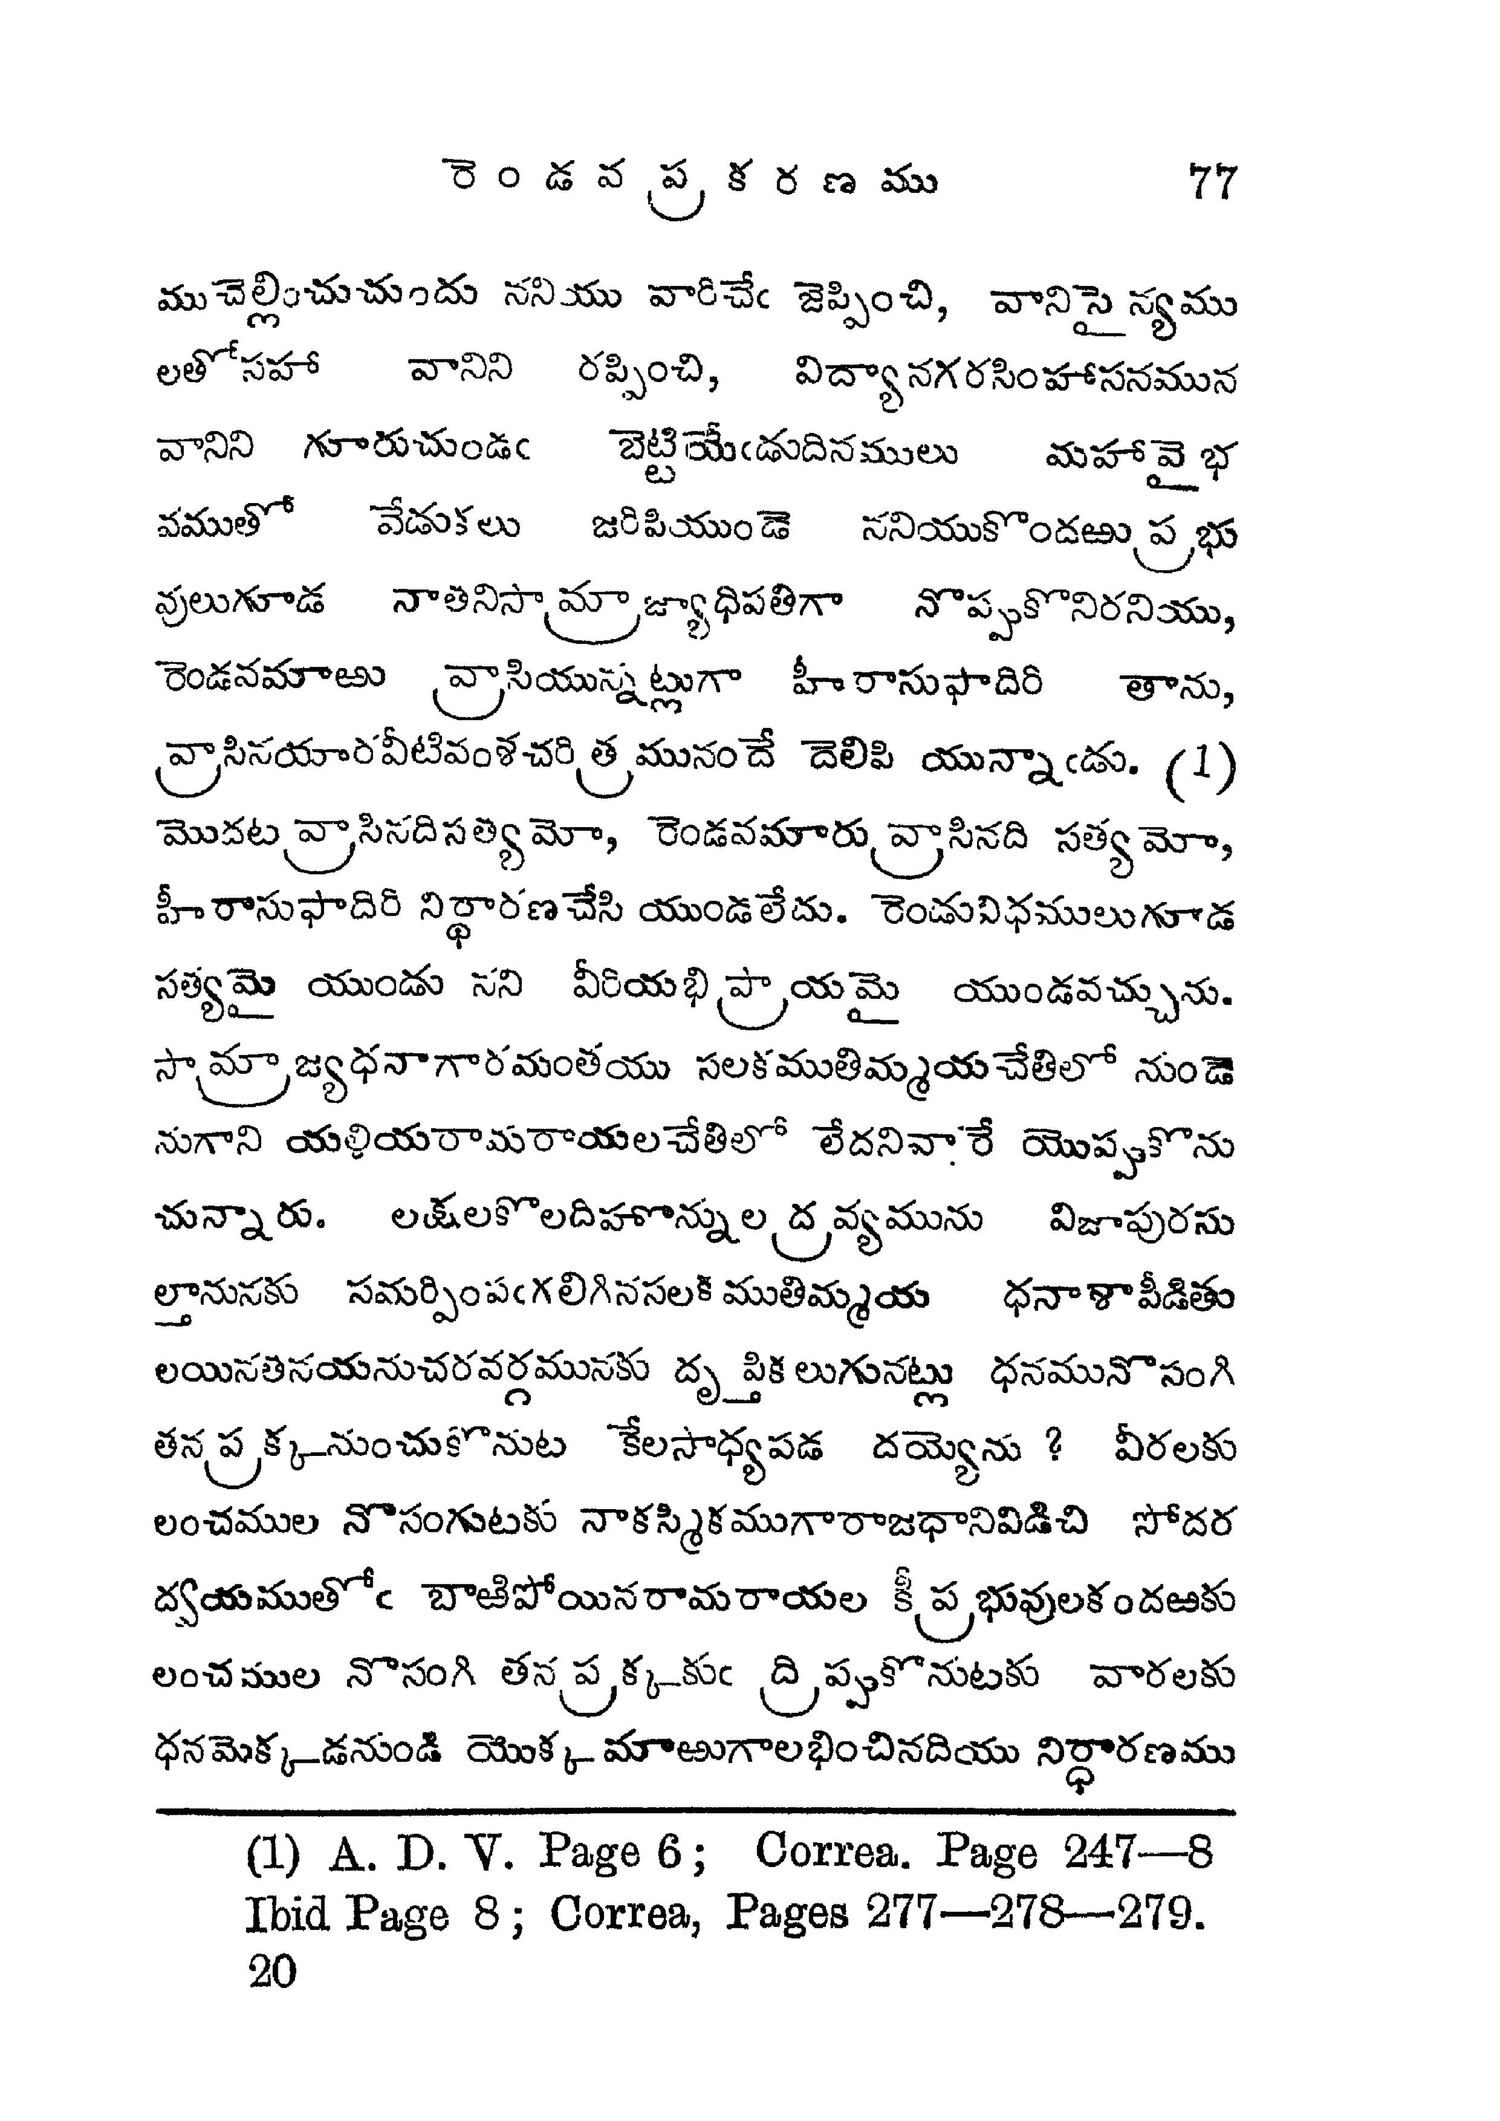ముచెల్లించుచుందు ననియు వారిచే జెప్పించి, వానిసైన్యములతోసహా వానిని రప్పించి, విద్యానగరసింహాసనమున వానిని గూరుచుండ బెట్టియేడుదినములు మహావైభవముతో వేడుకలు జరిపియుండె ననియుకొందఱుప్రభువులుగూడ నాతనిసామ్రాజ్యాధిపతిగా నొప్పుకొనిరనియు, రెండవమాఱు వ్రాసియున్నట్లుగా హీరాసుఫాదిరి తాను, వ్రాసినయారవీటివంశచరిత్రమునందే దెలిపి యున్నాడు. మొదటవ్రాసినదిసత్యమో, రెండవమారువ్రాసినది సత్యమో, హీరాసుఫాదిరి నిర్థారణచేసి యుండలేదు. రెండువిధములుగూడ సత్యమై యుండు నని వీరియభిప్రాయమై యుండవచ్చును. సామ్రాజ్యధనాగారమంతయు సలకముతిమ్మయచేతిలో నుండెనుగాని యళియరామరాయలచేతిలో లేదనివారే యొప్పుకొనుచున్నారు. లక్షలకొలదిహొన్నుల ద్రవ్యమును విజాపురసుల్తానునకు సమర్పింపగలిగినసలకముతిమ్మయ ధనాశాపీడితులయిన తనయనుచరవర్గమునకు దృప్తికలుగునట్లు ధనమునొసంగి తనప్రక్కనుంచుకొనుట కేలసాధ్యపడ దయ్యెను? వీరలకు లంచముల నొసంగుటకు నాకస్మికముగారాజధానివిడిచి సోదర ద్వయముతో బాఱిపోయినరామరాయల కీప్రభువులకందఱకు లంచముల నొసంగి తనప్రక్కకు ద్రిప్పుకొనుటకు వారలకు ధనమెక్కడనుండి యొక్కమాఱుగాలభించినదియు నిర్ధారణము